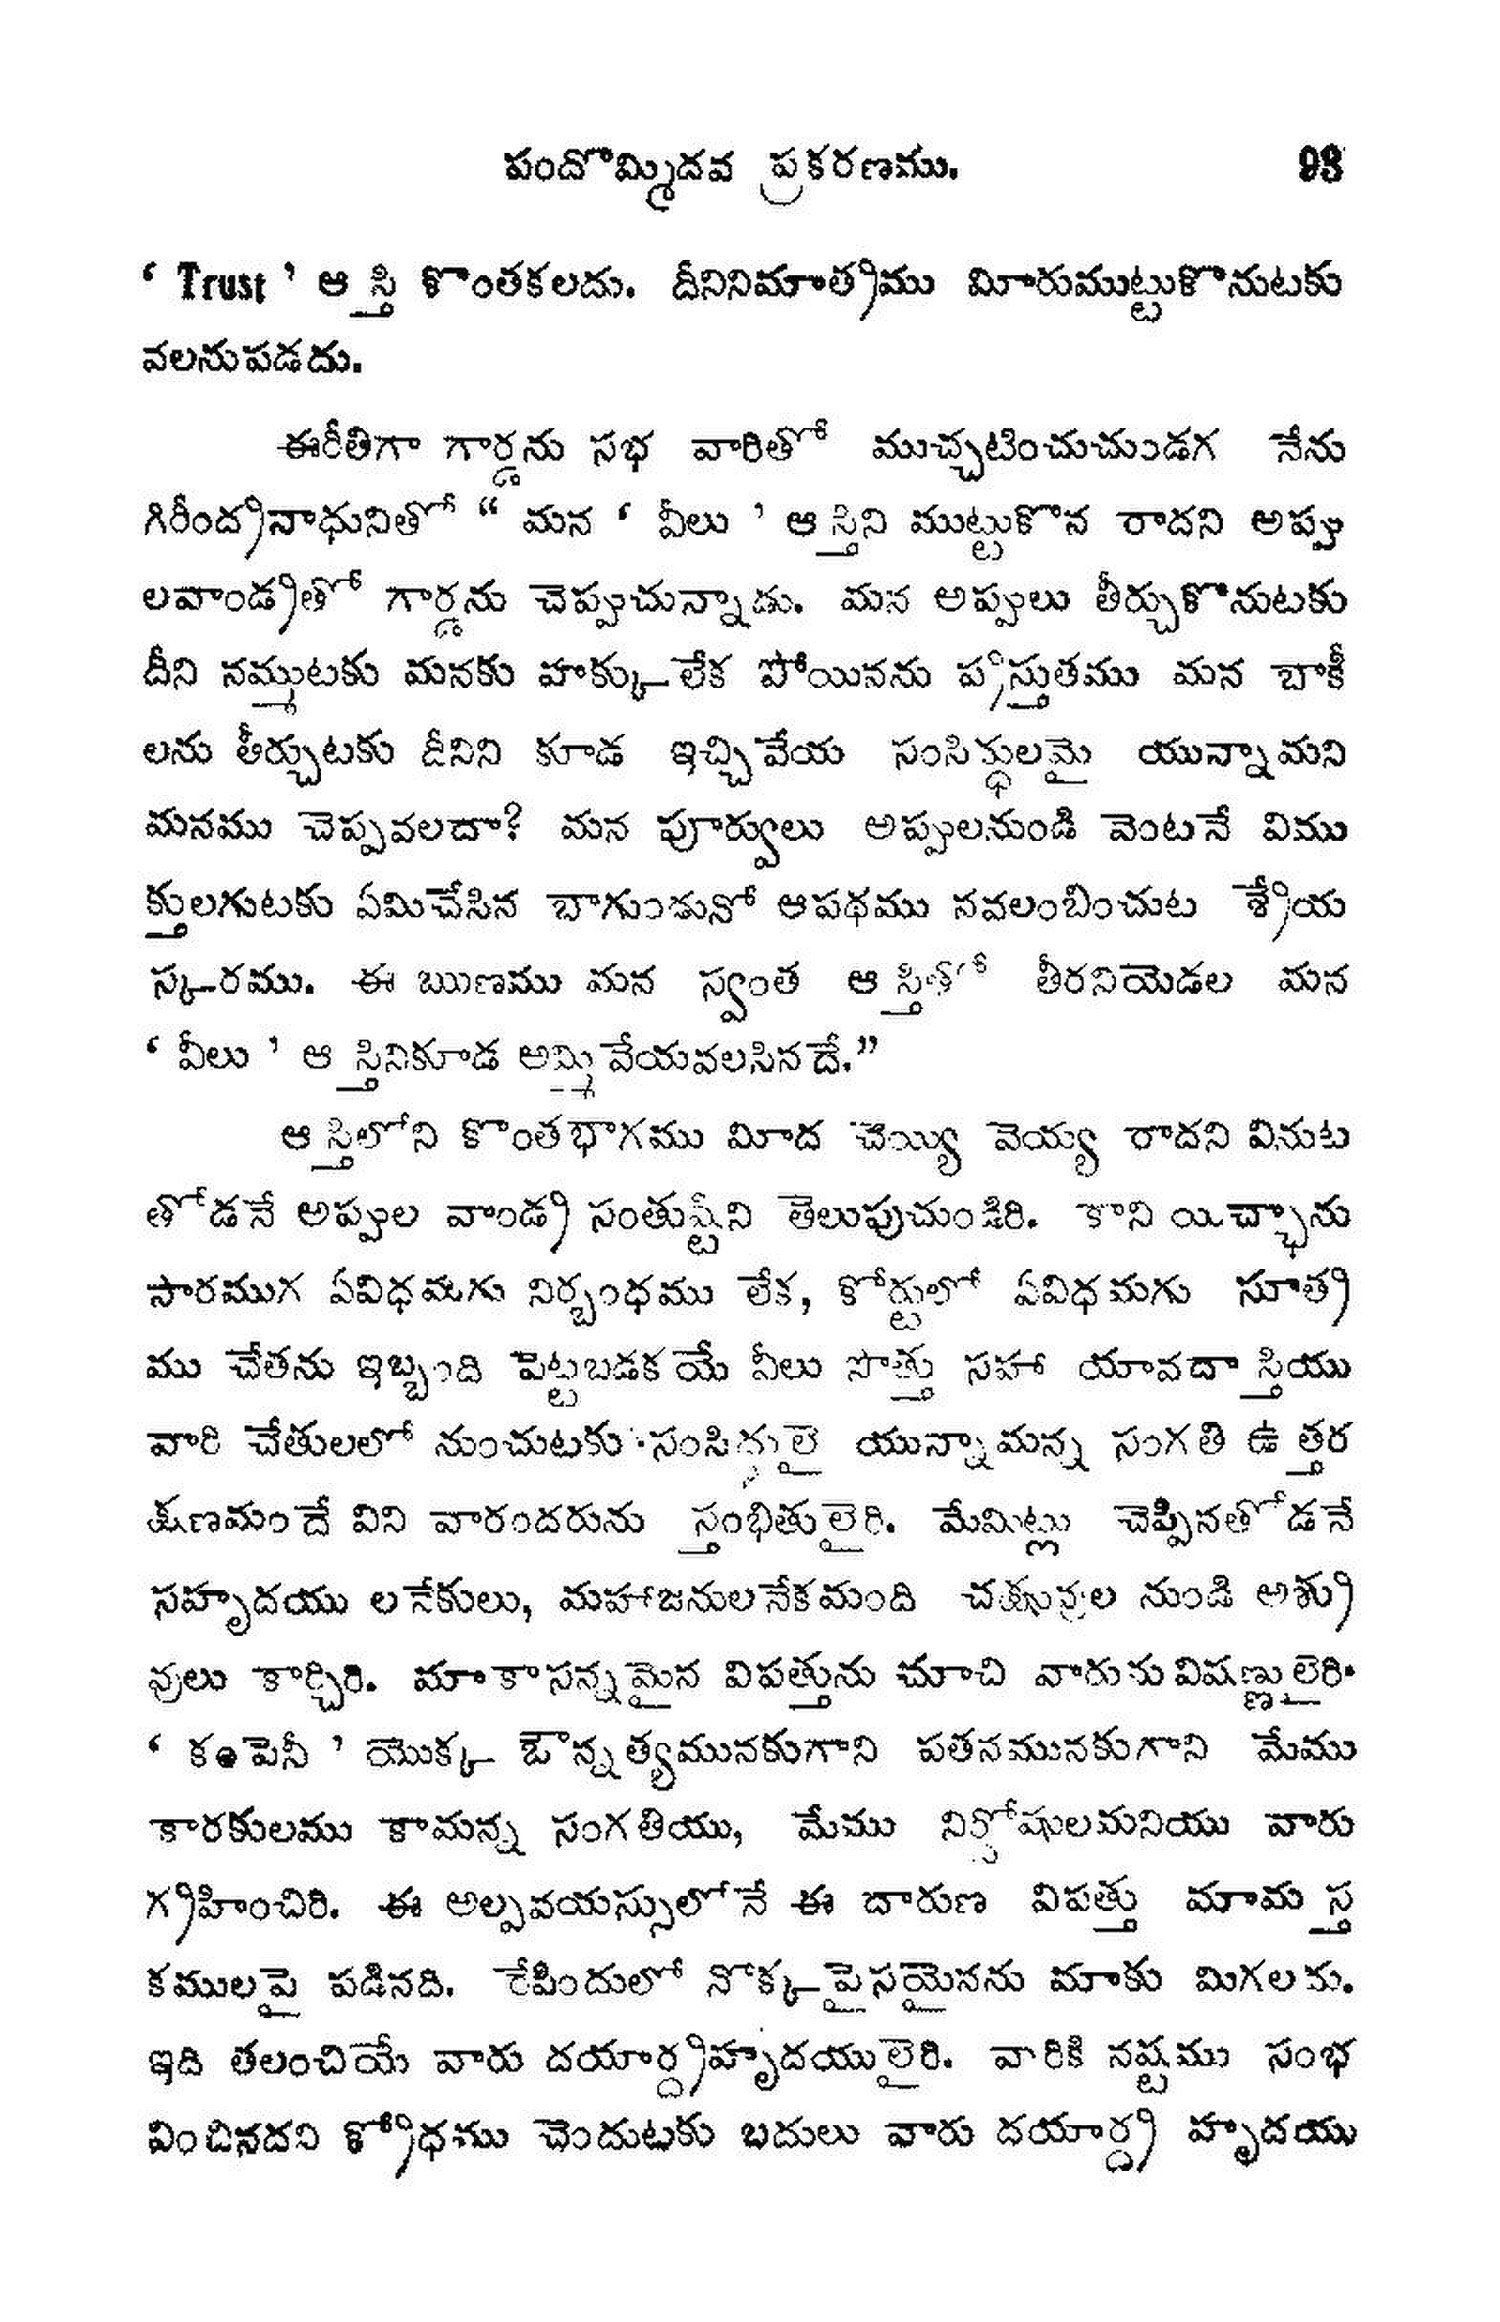"Trust" ఆస్తి కొంతకలదు. దీనినిమాత్రము మిరుముట్టుకొనుటకు
వలనుపడదు.

ఈరీతిగా గార్డను సభ వారితో ముచ్చటించు చుండగ నేను గిరింద్ర 
నాధునితో " మన ‘ వీలు ' ఆస్తిని ముట్టుకొన రాదని అప్పుల
వాండ్రతో గార్డను చెప్పుచున్నాడు. మన అప్పులు తీర్చు కొనుటకు
దీని నమ్ముటకు మనకు హక్కు లేక పోయినను ప్రస్తుతము మన 
బాకీలను తీర్చుటకు దీనిని కూడ ఇచ్చి వేయ సంసిద్ధులమై 
యున్నామని మనము చెప్పవలదా? మన పూర్వులు అప్పుల
నుండి వెంటనే విముక్తులగుటకు ఏమిచేసిన బాగుండునో 
ఆపథము నవలంబించుట శ్రేయస్కరము. ఈ ఋణము మన 
స్వంత ఆస్తి. ఈ తీరనియెడల మన 'వీలు ' ఆస్తినికూడ అమ్మి 
వేయవలసినదే.”.

ఆ స్తిలోని కొంత భాగము మీద చెయ్యి వెయ్య రాదని వినుట
తోడనే అప్పుల వాండ్ర సంతుష్టిని తెలుపుచుండిరి. కాని 
యిచ్ఛాను సారముగ ఏవిధమగు నిర్బంధము లేక, కోర్టులో 
ఏవిధమగు సూత్రము చేతను ఇబ్బంది పెట్టబడకయే 'వీలు ' 
సొత్తు సహా యావదా స్తియువారి చేతులలో నుంచుటకు సంసిరులై 
యున్నామన్న సంగతి ఉత్తరక్షణమందే విని వారందరును స్తంభితు 
లైరి. మేనిట్లు చెప్పిన తోడనే సహృదయు లనేకులు, మహా జనుల 
నేకమంది చక్షువుల నుండి అశ్రువులు కార్చిరి. మాకాసన్నమైన 
విపత్తును చూచి వారును విషణ్ణులైరి" కంపెనీ ' యొక్క 
ఔన్నత్యమునకు గాని పతనమునకు గాని మేము కారకులము 
కామన్న సంగతియు, మేము నీర్దోషులమనియు వారు గ్రహించిరి. 
ఈ అల్పవయస్సులోనే ఈ దారుణ విపత్తు మామస్తకములపై పడినది. 
'రేపిందులో నోక్క పైసయైనను మాకు మిగలదు. ఇది తలంచియే 
వారు దయార్ద్ర హృదయు లైరి.వారికి నష్టము సంభవించినదని 
క్రోధము చెందుటకు బదులు వారు దయార్ద్ర హృదయువారు